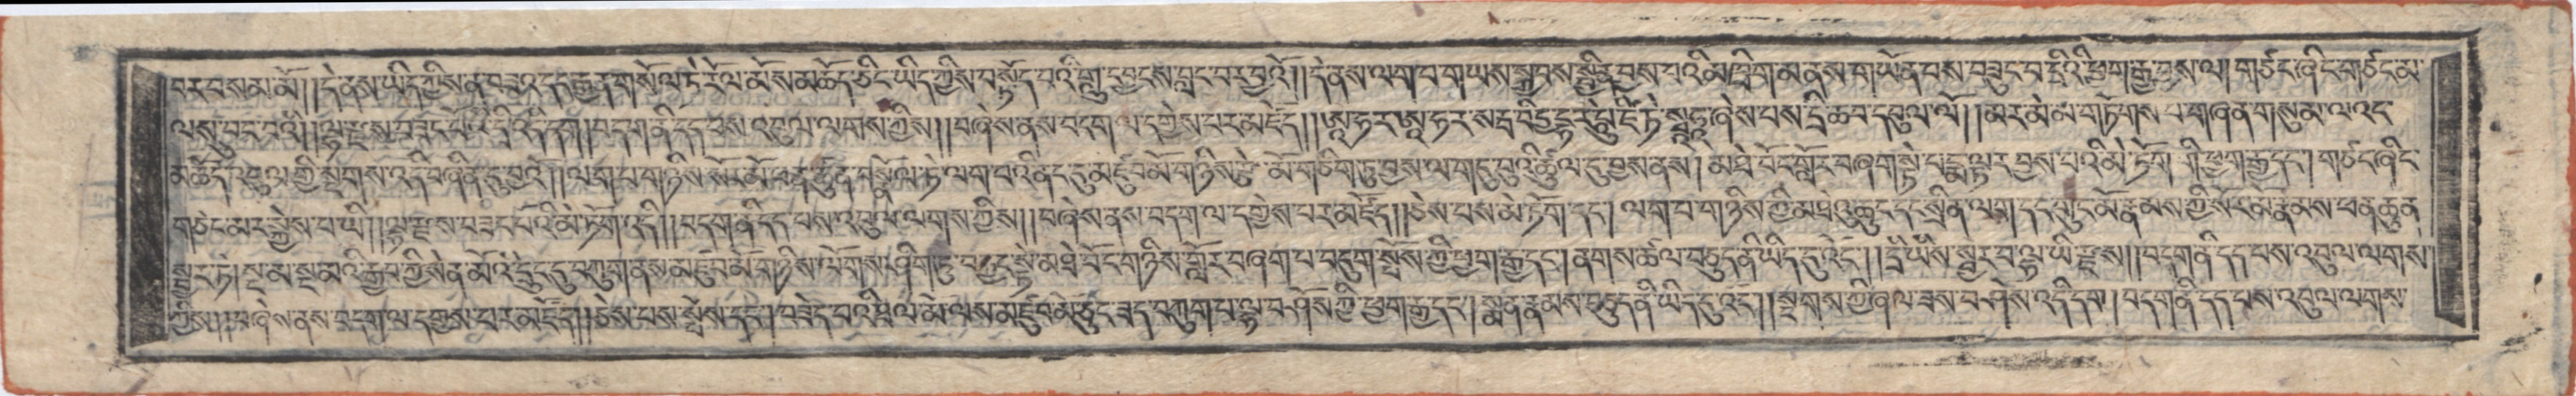བར་བསམ་མོ། །དེ་ནས་ཡིད་ཀྱིས་ན་བཟའ་དང་རྒྱན་གསོལ་ཏེ་རོལ་མོས་མཆོད་ཅིང་ཡིད་ཀྱིས་བསྟོད་པའི་གླུ་དབྱངས་བླང་བར་བྱའོ། །དེ་ནས་ལག་པ་གཡས་སྐྱབས་སྦྱིན་བྱས་པའི་མཁྲིག་མ་ནས་གཡོན་པས་བཟུང་བ་དྲིའི་ཕྱག་རྒྱ་བྱས་ལ། གཙང་ཞིང་གཙང་མ་
ལས་བྱུང་བའི། །ལྷ་རྫས་བཟང་པོའི་དྲི་འདི་དག །བདག་ནི་དོད་པས་འབུལ་ལགས་ཀྱིས། །བཞེས་ནས་བདག་ལ་དགྱེས་པར་མཛོད། །ཨཱ་ཧ་ར་ཨཱ་ཧ་ར་སརྦ་བིདྱ་དྷ་རི་པཱུ་ཛི་ཏེ་སྭཱཧཱ་ཞེས་པས་དྲི་ཆབ་དབུལ་ལོ། །མར་མེ་མ་གཏོགས་པ་གཞན་གསུམ་ལའང་
མཆོད་འབུལ་གྱི་སྔགས་འདི་བཞིན་དུ་བྱའོ། །ལག་པ་གཉིས་སོར་མོ་ཕན་ཚུན་བསྣོལ་ཏེ་ལག་པའི་ནང་དུ་མཛུབ་མོ་གཉིས་རྩེ་མོ་གཅིག་ཏུ་བྱས་ལ་གདུ་བུའི་ཚུལ་དུ་བྱས་ནས། མཐེ་བོང་གློར་བཞག་སྟེ་པདམ་ལྟར་བྱས་པའི་མེ་ཏོག་གི་ཕྱག་རྒྱ་དང་། གཙང་ཞིང་
གཙང་མར་སྐྱེས་པ་ཡི། །ལྷ་རྫས་བཟང་པོའི་མེ་ཏོག་འདི། །བདག་ནི་དད་པས་འབུལ་ལགས་ཀྱིས། །བཞེས་ནས་བདག་ལ་དགྱེས་པར་མཛོད། །ཅེས་པས་མེ་ཏོག་དང་། ལག་པ་གཉིས་ཀྱི་མཐེའུ་ཆུང་དང་སྲིན་ལག་དང་གུང་མོ་རྣམས་ཀྱི་སོར་མོ་རྣམས་ཕན་ཚུན་
སྦྱར་ཏེ། སྔ་མ་སྔ་མའི་རྒྱབ་ཀྱི་སེན་མོའི་དྲུང་དུ་བཀུག་ནས་མཛུབ་མོ་གཉིས་ལོགས་ཤིག་ཏུ་བརྐྱང་སྟེ་མཐེ་བོང་གཉིས་གློར་བཞག་པ་བདུག་སྤོས་ཀྱི་ཕྱག་རྒྱ་དང་། ནགས་ཚལ་བཅུད་ནི་ཡིད་དུ་འོང་། །དྲི་ཡིས་སྦྱར་བ་ལྷ་ཡི་རྫས། །བདག་ནི་དད་པས་འབུལ་ལགས་
ཀྱིས། །བཞེས་ནས་བདག་ལ་དགྱེས་པར་མཛོད། །ཅེས་པས་སྤོས་དང་། བཟེད་པའི་ཐལ་མོ་ལས་མཛུབ་མོ་ཅུང་ཟད་བཀུག་པ་ལྷ་བཤོས་ཀྱི་ཕྱག་རྒྱ་དང་། སྨན་རྣམས་བཅུད་ནི་ཡིད་དུ་འོང་། །སྔགས་ཀྱི་ཞལ་ཟས་བཤེས་འདི་དག། བདག་ནི་དད་པས་འབུལ་ལགས་